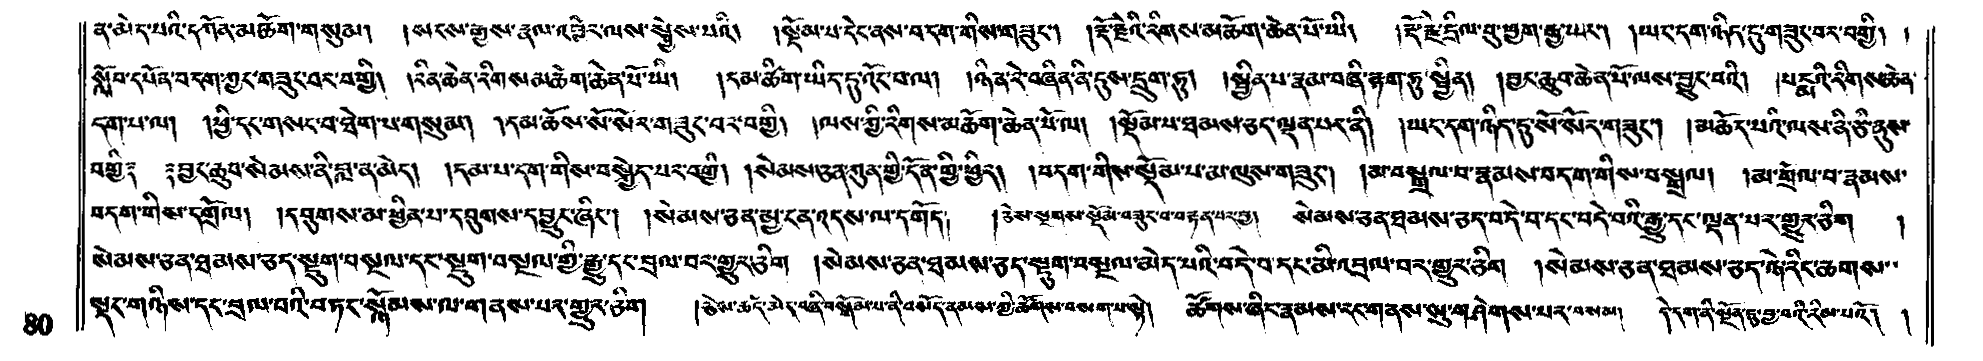ན་མེད་པའི་དཀོན་མཆོག་གསུམ། །སངས་རྒྱས་རྣལ་འབྱོར་ལས་སྐྱེས་པའི། །སྡོམ་པ་དེང་ནས་བདག་གིས་གཟུང་། །རྡོ་རྗེའི་རིགས་མཆོག་ཆེན་པོ་ཡི། །རྡོ་རྗེ་དྲིལ་བུ་ཕྱག་རྒྱ་ཡང་། །ཡང་དག་ཉིད་དུ་གཟུང་བར་བགྱི། །
སློབ་དཔོན་བདག་ཀྱང་གཟུང་བར་བགྱི། །རིན་ཆེན་རིགས་མཆོག་ཆེན་པོ་ཡི། །དམ་ཚིག་ཡིད་དུ་འོང་བ་ལ། །ཉིན་རེ་བཞིན་ནི་དུས་དྲུག་ཏུ། །སྦྱིན་པ་རྣམ་བཞི་རྟག་ཏུ་སྦྱིན། །བྱང་ཆུབ་ཆེན་པོ་ལས་བྱུང་བའི། །པདམའི་རིགས་ཆེན་
དག་པ་ལ། །ཕྱི་དང་གསང་བ་ཐེག་པ་གསུམ། །དམ་ཆོས་སོ་སོར་གཟུང་བར་བགྱི། །ལས་ཀྱི་རིགས་མཆོག་ཆེན་པོ་ལ། །སྡོམ་པ་ཐམས་ཅད་ལྡན་པར་ནི། །ཡང་དག་ཉིད་དུ་སོ་སོར་གཟུང་། །མཆོད་པའི་ལས་ནི་ཅི་ནུས་
བགྱི༑ ༑བྱང་ཆུབ་སེམས་ནི་བླ་ན་མེད། །དམ་པ་དག་གིས་བསྐྱེད་པར་བགྱི། །སེམས་ཅན་ཀུན་གྱི་དོན་གྱི་ཕྱིར། །བདག་གིས་སྡོམ་པ་མ་ལུས་གཟུང་། །མ་བསྒྲལ་བ་རྣམས་བདག་གིས་བསྒྲལ། །མ་གྲོལ་བ་རྣམས་
བདག་གིས་དགྲོལ། །དབུགས་མ་ཕྱིན་པ་དབུགས་དབྱུང་ཞིང་། །སེམས་ཅན་མྱ་ངན་འདས་ལ་དགོད། །ཅེས་སྔགས་སྡོམ་བཟུང་བ་བརྟན་པར་བྱ།  སེམས་ཅན་ཐམས་ཅད་བདེ་བ་དང་བདེ་བའི་རྒྱུ་དང་ལྡན་པར་གྱུར་ཅིག །
སེམས་ཅན་ཐམས་ཅད་སྡུག་བསྔལ་དང་སྡུག་བསྔལ་གྱི་རྒྱུད་དང་བྲལ་བར་གྱུར་ཅིག །སེམས་ཅན་ཐམས་ཅད་སྡུག་བསྔལ་མེད་པའི་བདེ་།ཞེས་གསུངས་པ་ལྟར། རྣལ་འབྱོར་སྐད་ཅིག་གིས་རྫོགས་པའི་ལུགས་ཆགས་
སྡང་གཉིས་དང་བྲལ་བའི་བཏང་སྙོམས་ལ་གནས་པར་གྱུར་ཅིག་།ཅེས་ཚེད་མེད་བཞི་བསྒོམ་པ་ནི་བསོད་ནམས་ཀྱི་ཚོགས་བསག་པ་སྟེ།  ཚོགས་ཞིང་རྣམས་རང་གནས་སུ་གཤེགས་པར་བསམ། དེ་དག་ནི་སྔོན་ཏུ་བྱ་བའི་རིམ་པའོ། །